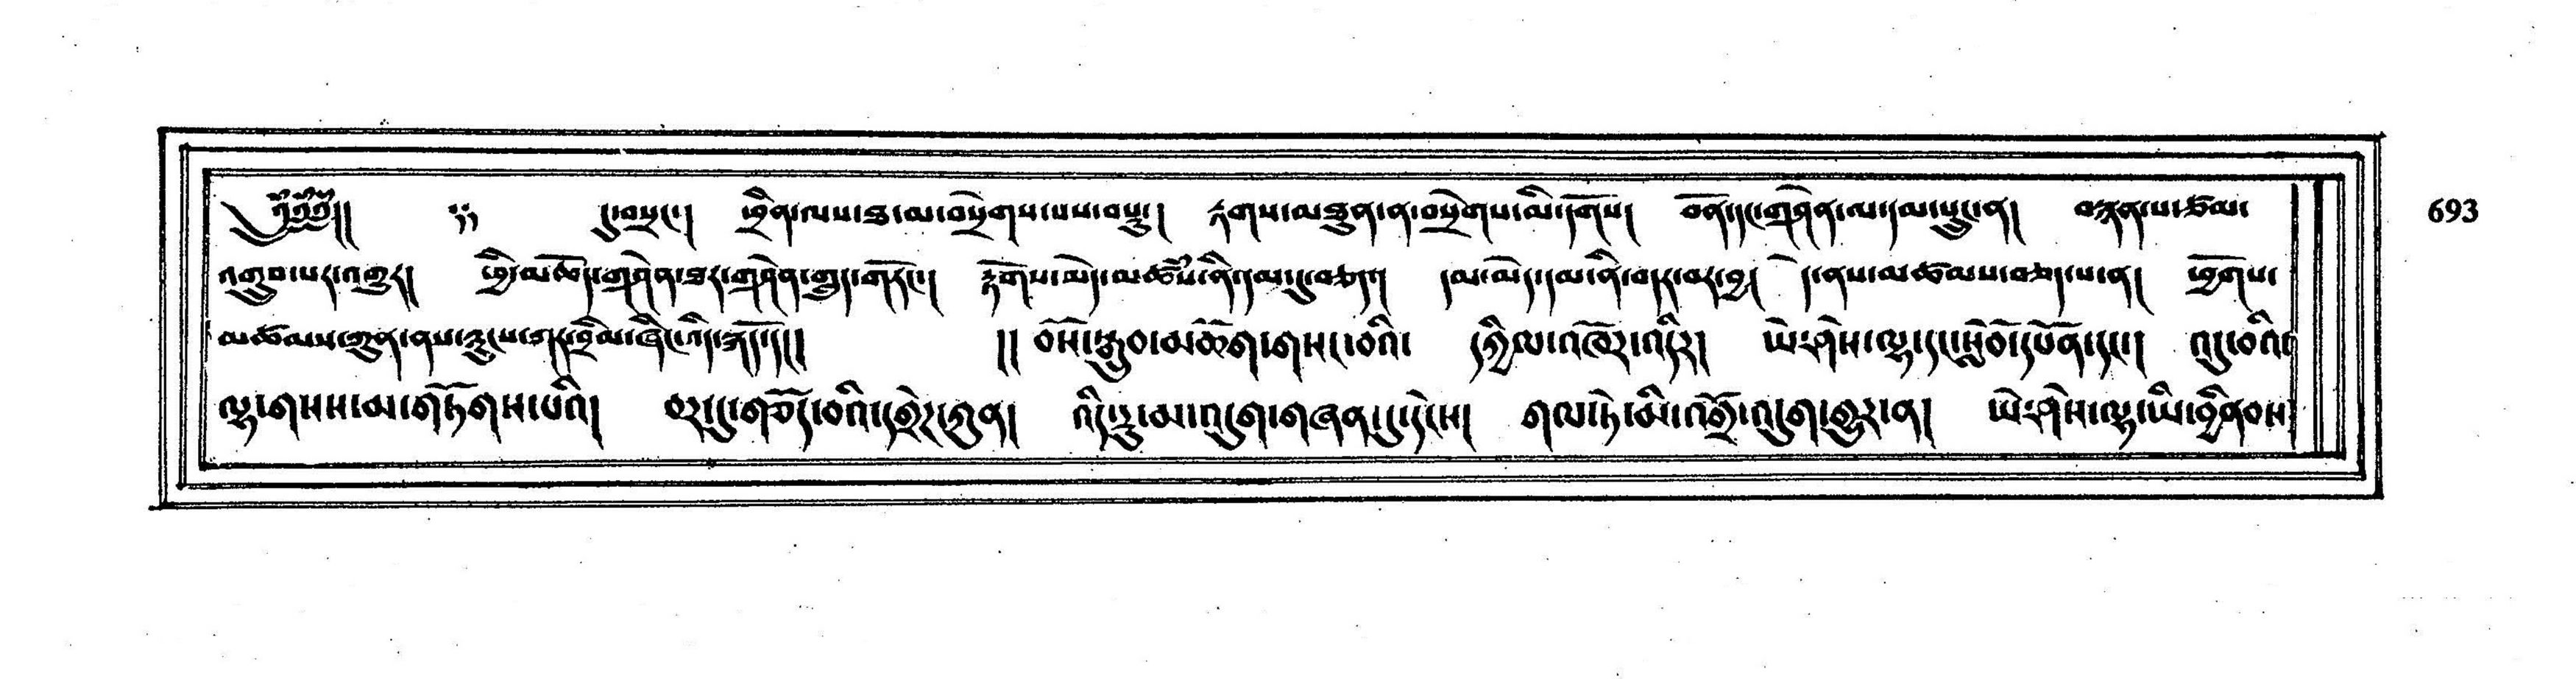དུ་བསྲང་། ཕྲིན་ལས་ཐ་མ་བསྲེགས་པས་བསྡུ། རྟགས་མཐུན་ན་བསྲེགས་མི་དགོས། བོན་དང་གཤེན་ལ་དམ་སྲུང་ན། བསྙན་པ་ཙམ་
འགྲུབ་པར་འགྱུར། ཕྱི་མཆོད་གཤེན་ཐར་གཤེན་གླུད་གཏོང་། རྟོག་མེད་མཚམས་ནི་དམ་དུ་བཅད། དམ་མེད་དམ་ནི་བདར་བར་བྱ། དེ་ནས་མཚམས་བཅད་པ་ན། ཕྱོགས་
མཚམས་ཀུན་ནས་ཉུངས་ཀར་བྲིམ་ཞིང་འདི་སྐད་དོ།། །།བསྭོ་སྒྲུབ་མཆོག་གསང་བའི་དཀྱིལ་འཁོར་འདིར། ཡེ་ཤེས་ལྷ་དང་སློབ་དཔོན་དང་། འདུ་བའི་
ལྷ་གསས་མ་གཏོགས་པའི། བར་དུ་གཅོད་བའི་དགྲ་བགེགས་ཀུན། འདི་རུ་མ་འདུག་གཞན་དུ་དེངས། གལ་ཏེ་མི་འགྲོ་འདུག་གྱུར་ན། ཡེ་ཤེས་ལྷ་ཡི་བྱིན་རླབས་